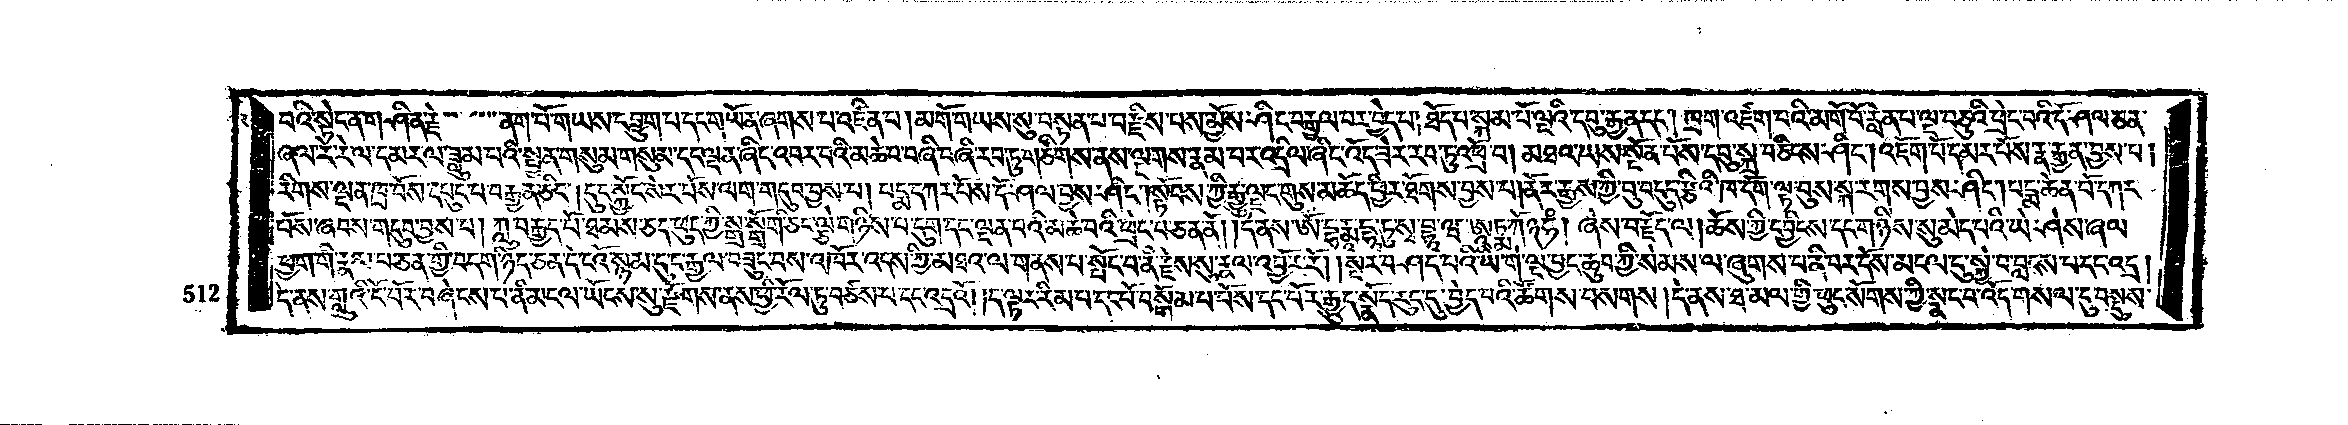པའི་སྟེང་ན་གཤིན་རྗེ་ནག་པོ་གཡས་དབྱུག་པ་དང་གཡོན་ཞགས་པ་འཛིན་པ། མགོ་གཡས་སུ་བསྟན་པ་བརྫིས་པས་མྱོས་ཤིང་བརྒྱལ་བར་བྱེད་པ། ཐོད་པ་སྐམ་པོ་ལྔའི་དབུ་རྒྱན་དང་། ཁྲག་འཛག་པའི་མགོ་བོ་རླེན་པ་ལྔ་བཅུའི་ཕྲེང་བའི་དོ་ཤལ་ཅན་
ཞལ་རེ་རེ་ལ་དམར་ལ་ཟླུམ་པའི་སྤྱན་གསུམ་གསུམ་དང་ལྡན་ཞིང་འབར་བའི་མཆེ་བ་བཞི་བཞི་རབ་ཏུ་གཙིགས་ནས་ལྗགས་རྣམ་པར་འདྲིལ་ཞིང་འོད་ཟེར་རབ་ཏུ་འཕྲོ་བ། མཐའ་ཡས་སྔོན་པོས་དབུ་སྐྲ་བཅིངས་ཤིང་། འཇོག་པོ་དམར་པོས་རྣ་རྒྱན་བྱས་པ།
རིགས་ལྡན་ཁྲ་བོས་དཔུང་པ་བརྒྱན་ཅིང་། དུང་སྐྱོང་སེར་པོས་ལག་གདུབ་བྱས་པ། པདམ་དཀར་པོས་དོ་ཤལ་བྱས་ཤིང་། སྟོབས་ཀྱི་རྒྱུ་ལྗང་གུས་མཆོད་ཕྱིར་ཐོགས་བྱས་པ། ནོར་རྒྱས་ཀྱི་བུ་བདུད་རྩིའི་ཁ་དོག་ལྟ་བུས་སྐ་རགས་བྱས་ཤིང་། པདམ་ཆེན་པོ་དཀར་
པོས་ཞབས་གདུབ་བྱས་པ། ཀླུ་བརྒྱད་པོ་ཐམས་ཅད་ཕུད་ཀྱི་སྒྲ་སྒྲོག་ཅིང་ལྕེ་གཉིས་པ་དུག་དང་ལྡན་པའི་མཆེ་བའི་ཕྲེང་བ་ཅན་ནོ། །དེ་ནས་ཨོཾ་དྷ་རྨཱ་དྷཱ་ཏུ་སྭ་བྷཱ་ཝ་ཨཱཏྨ་ཀོཉ་ཧཾ། ཞེས་བརྗོད་ལ། ཆོས་ཀྱི་དབྱིངས་དང་གཉིས་སུ་མེད་པའི་ཡེ་ཤེས་ཞལ་
ཕྱག་གི་རྣམ་པ་ཅན་གྱི་བདག་ཉིད་ཅན་དེ་ངའོ་སྙམ་དུ་ང་རྒྱལ་བཟུང་བས་འཁོར་འདས་ཀྱི་མཐའ་ལ་གནས་པ་སྤོང་བ་ནི་རྗེས་སུ་རྣལ་འབྱོར་རོ། །སྔར་བཤད་པའི་ཡི་གེ་ལྔ་བྱང་ཆུབ་ཀྱི་སེམས་ལ་ཞུགས་པ་ནི་བར་དོས་མངལ་དུ་སྐྱེ་བ་བླངས་པ་དང་འདྲ།
དེ་ནས་གླུའི་ངོ་བོར་བཞེངས་པ་ནི་མངལ་ཡོངས་སུ་རྫོགས་ནས་ཕྱི་རོལ་ཏུ་བཙས་པ་དང་འདྲའོ། །དེ་ལྟར་རིམ་པ་དང་པོ་བསྒོམ་པ་པོས་དང་པོར་རྒྱུད་སྣོད་རུང་དུ་བྱེད་པའི་ཚོགས་བསགས། དེ་ནས་ཐ་མལ་གྱི་ཕུང་སོགས་ཀྱི་སྣང་བ་འོད་གསལ་དུ་བསྡུས་